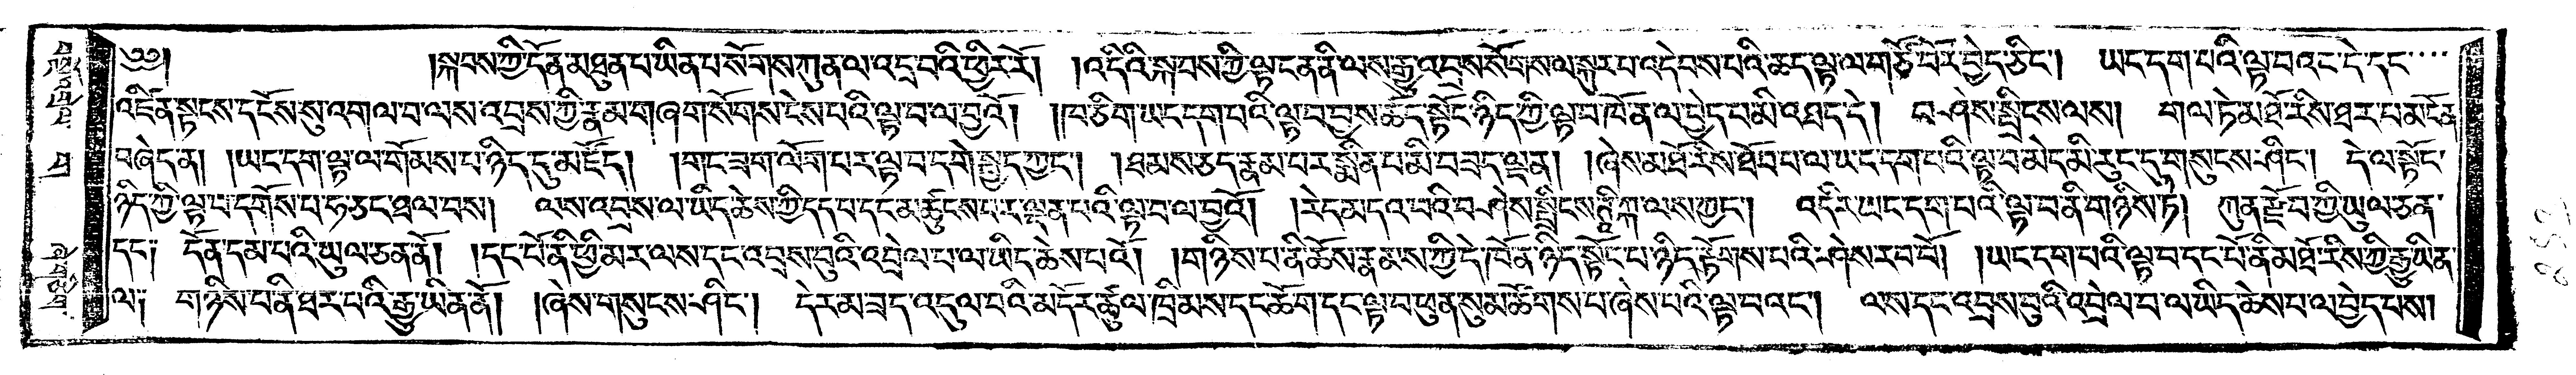༄༅། །སྐབས་ཀྱི་དོན་མཐུན་པ་ཡིན་པ་སོགས་ཀུན་ལ་འདྲ་བའི་ཕྱིར་རོ། །འདིའི་སྐབས་ཀྱི་ལྟ་ངན་ནི་ལས་རྒྱུ་འབྲས་སོགས་ལ་སྐུར་པ་འདེབས་པའི་ཆད་ལྟ་ལ་གཙོ་བོར་བྱེད་ཅིང་། ཡང་དག་པའི་ལྟ་བའང་དེ་དང་
འཛིན་སྟངས་དངོས་སུ་འགལ་བ་ལས་འབྲས་ཀྱི་རྣམ་གཞག་སོགས་ངེས་པའི་ལྟ་བ་ལ་བྱའོ། །ཁ་ཅིག་ཡང་དག་པའི་ལྟ་བ་བྱས་ཆོས་སྟོང་ཉིད་ཀྱི་ལྟ་བ་ཁོ་ན་ལ་བྱེད་པ་མི་འཐད་དེ། བཤེས་སྤྲིང་ས་ལས། གལ་ཏེ་མཐོ་རིས་ཐར་པ་མངོན་
བཞེད་ན། །ཡང་དག་ལྟ་ལ་གོམས་པ་ཉིད་དུ་མཛོད། །གང་ཟག་ལོག་པར་ལྟ་བ་དགེ་སྤྱད་ཀྱང་། །ཐམས་ཅད་རྣམ་པར་སྨིན་པ་མི་བཟང་ལྡན། །ཞེས་མཐོ་རིས་ཐོབ་པ་ལ་ཡང་དག་པའི་ལྟ་བ་མེད་མི་རུང་དུ་གསུངས་ཤིང་། དེ་ལ་སྟོང་
ཉིད་ཀྱི་ལྟ་བ་དགོས་པ་ཧ་ཅང་ཐལ་བས། ལས་འབྲས་ལ་ཡིད་ཆེས་ཀྱི་དད་པ་དང་མཚུངས་པར་ལྡན་པའི་ལྟ་བ་ལ་བྱའོ། །རེད་མདའ་བའི་བཤེས་སྤྲིངས་ཊཱིཀྐ་ལས་ཀྱང་། འདིར་ཡང་དག་པའི་ལྟ་བ་ནི་གཉིས་ཏེ། ཀུན་རྫོབ་ཀྱི་ཡུལ་ཅན་
དང་། དོན་དམ་པའི་ཡུལ་ཅན་ནོ། །དང་པོ་ནི་ཕྱི་མར་ལས་དང་འབྲས་བུའི་འབྲེལ་པ་ལ་ཡིད་ཆེས་པའོ། །གཉིས་པ་ནི་ཆོས་རྣམས་ཀྱི་དེ་ཁོ་ན་ཉིད་སྟོང་པ་ཉིད་རྟོགས་པའི་ཤེས་རབ་བོ། །ཡང་དག་པའི་ལྟ་བ་དང་པོ་ནི་མཐོ་རིས་ཀྱི་རྒྱུ་ཡིན་
ལ༑ གཉིས་པ་ནི་ཐར་པའི་རྒྱུ་ཡིན་ནོ། །ཞེས་གསུངས་ཤིང་། དེར་མ་ཟད་འདུལ་བའི་མདོར་ཚུལ་ཁྲིམས་དང་ཆོག་དང་ལྟ་བ་ཕུན་སུམ་ཚོགས་པ་ཞེས་པའི་ལྟ་བའང་། ལས་དང་འབྲས་བུའི་འབྲེལ་བ་ལ་ཡིད་ཆེས་པ་ལ་བྱེད་པས།